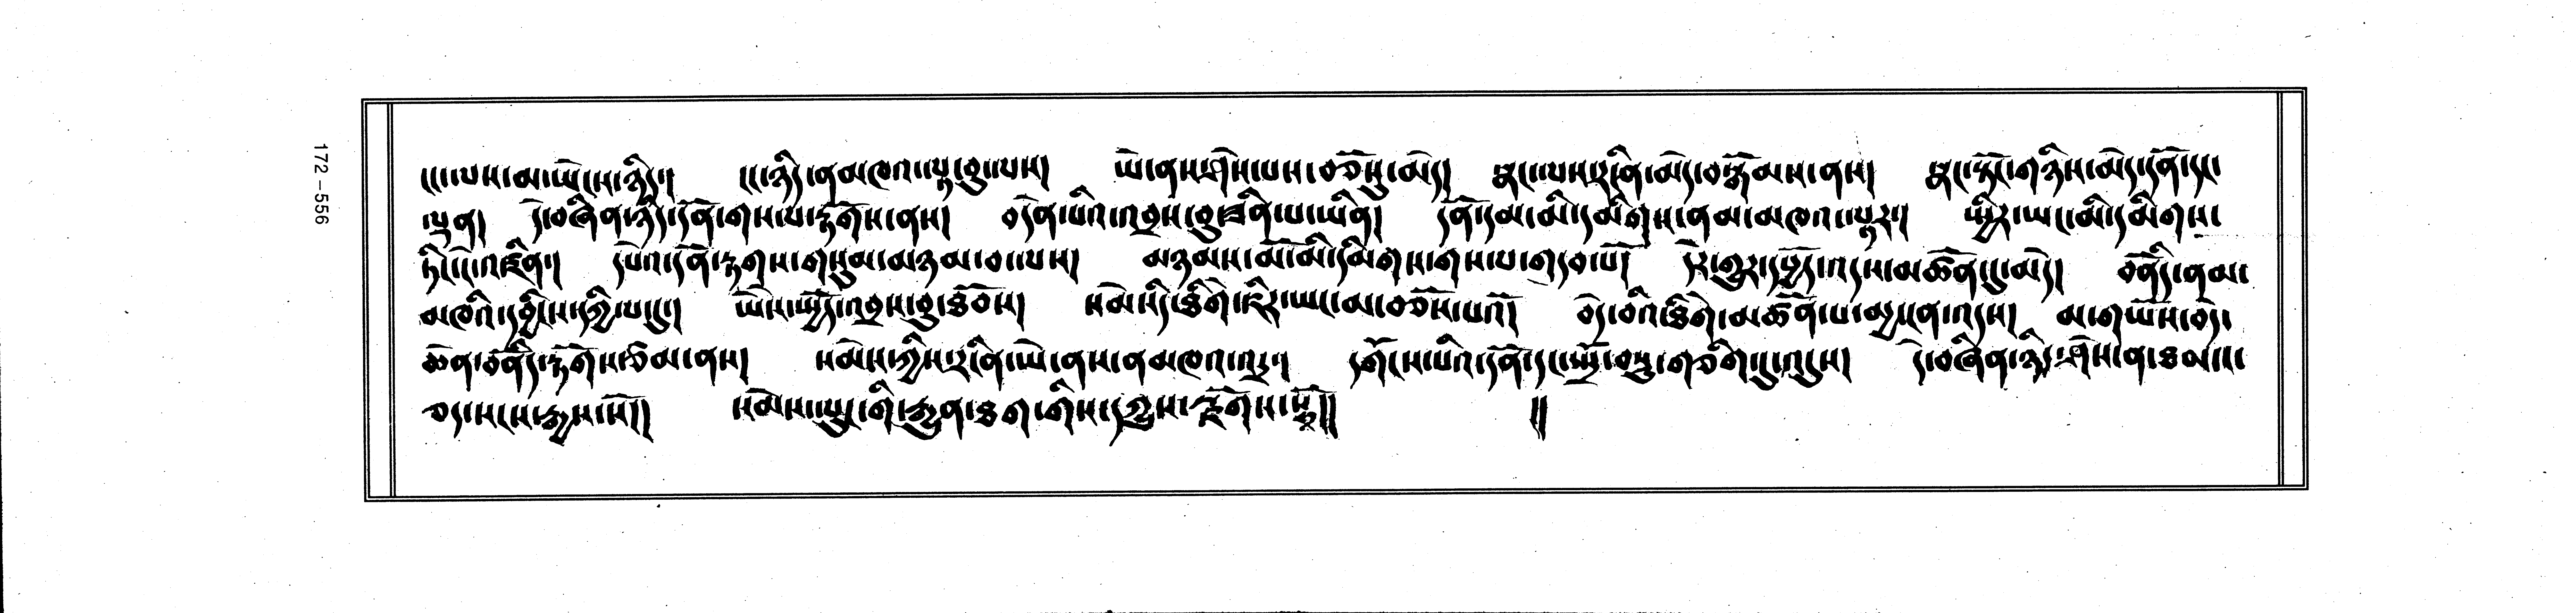ངང་ལས་མ་གཡེངས་ཉིད། ངང་ཉིད་ནམ་མཁའ་ལྟ་བུ་ལས། ཡེ་ནས་ཤེས་པས་བཅོས་སུ་མེད། སྣང་ལས་རང་བཞིན་མེད་བསྒོམས་ནས། སྣང་སྟོང་གཉིས་མེད་དོན་དང་
ལྡན། དེ་བཞིན་ཉིད་དོན་གསལ་རྟོགས་ནས། བདེན་པའི་འབྲས་བུ་ཟིན་པ་ཡིན། དོན་དམ་མི་དམིགས་ནམ་མཁའ་ལྟར། སྤྱིར་ཡང་མི་དམིགས་
ཏིང་ངེ་འཛིན། དཔེའ་དོན་རྟགས་གསུམ་མཉམ་བ་ལས། མཉམ་མོ་མི་དམིགས་གསལ་གདབ་པོ། དེར་གྱུར་དཔྱོད་འདས་མཚོན་དུ་མེད། བོན་ཉིད་ནམ་
མཁའི་དབྱིངས་དཀྱིལ་དུ། ཡེ་ཤེས་ལྟ་སྤྱོད་འབྲས་བུ་ཐོབ། སེམས་ཉིད་ཐིག་ལེ་ཇིར་ཡང་མ་བཅོས་པའོ། བདེ་བའི་ཐིག་ལེ་མཚོན་པ་མྱ་ངན་འདས། མ་གཡོས་བདེ་
ཆེན་བོན་ཉིད་རྟོགས་ཙམ་ནས། སེམས་ཀྱིས་རང་བཞིན་ཡེ་ནས་ནམ་མཁའ་འདྲ། དགོངས་པའི་དོན་དང་སྤྲོ་བསྡུ་གཅིག་དུ་འདུས། དེ་བཞིན་ཉིད་ཤེས་ན་ཐམས་
ཅད་སངས་རྒྱས་སོ། སེམས་ལུང་གི་རྒྱུན་ཐག་གིས་དཀྱུས་རྫོགས་སྭོ།